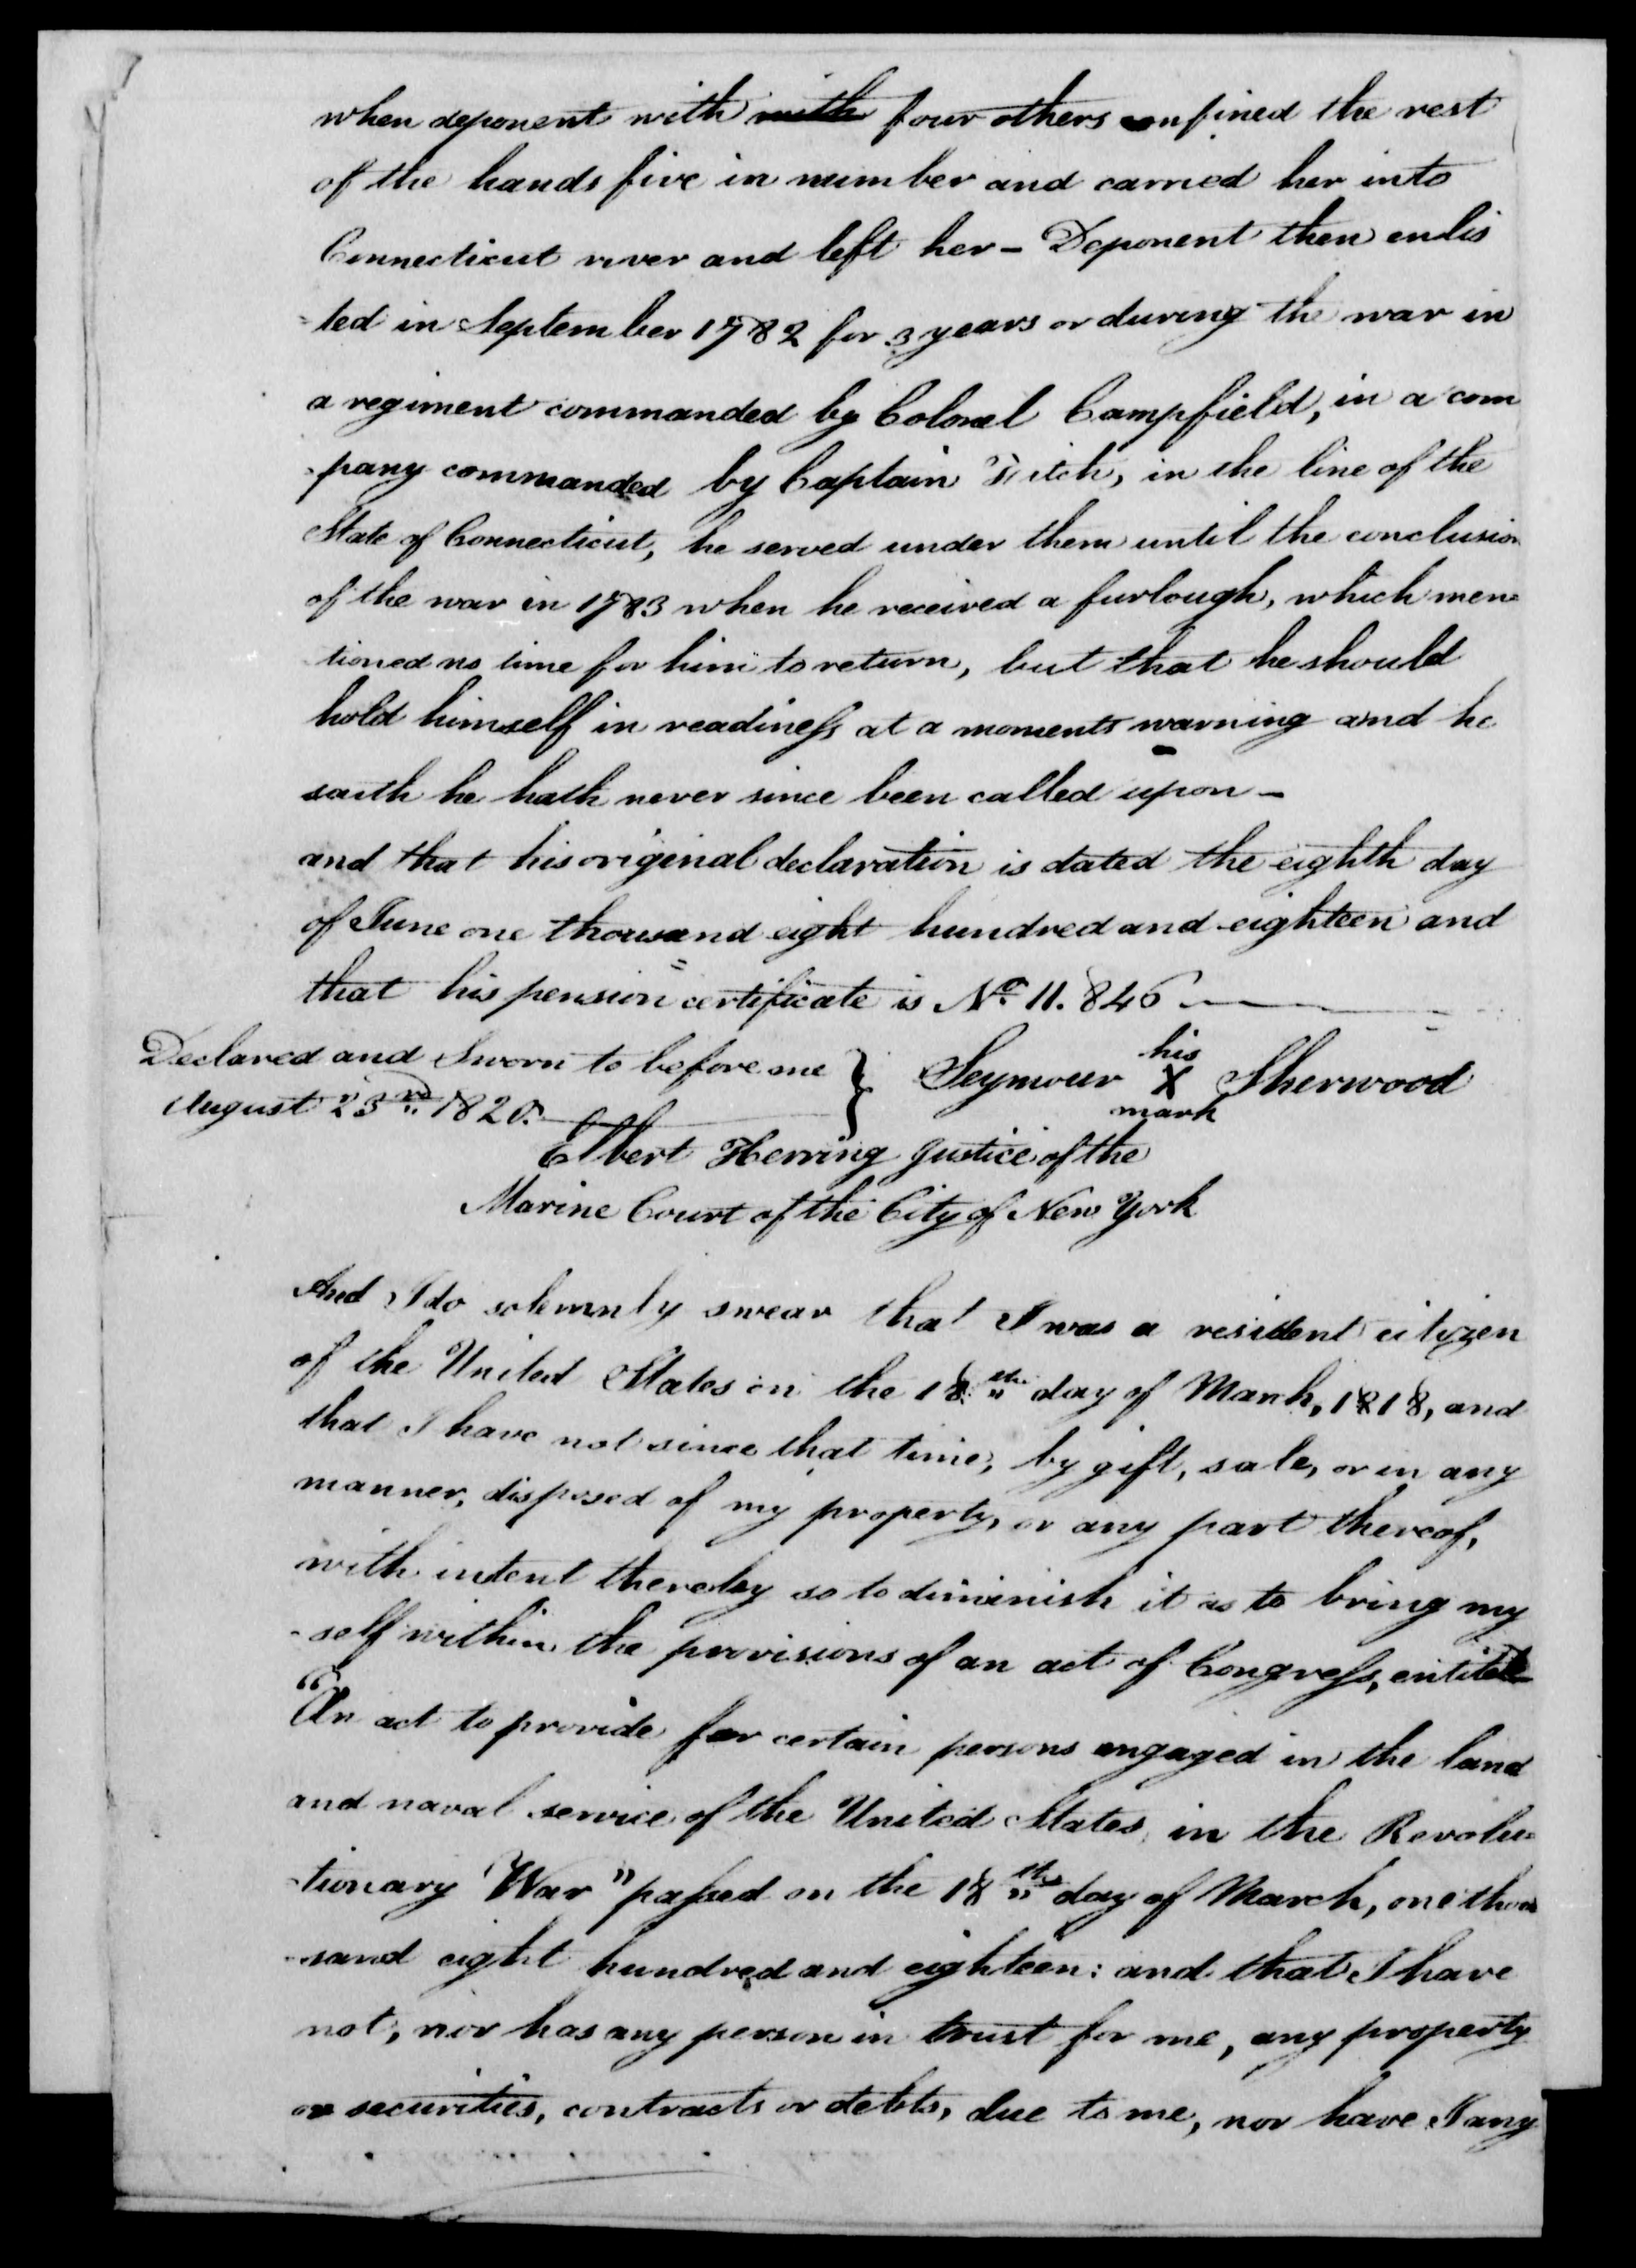when deponent with four others confined the rest of the hands five in number and carried her into Connecticut river and left her.  Deponent then enlisted in September 1782 for 3 years or during the war in a regiment commanded by Colonel Campfield [Canfield], in a company commanded by Captain Fitch, in the line of the State of Connecticut, he served under them until the conclusion of the war in 1783 when he received a furlough, which mentioned no time for him to return, but that he should hold himself in readiness at a moment warning and he saith he hath never since been called upon.
and that his original declaration is dated the eighth day of June one thousand eight hundred and eighteen and that his pension certificate is No. 11.846.

Seymour Sherwood
(his mark)

Declared and sworn to before me
August 23rd 1820.

Elbert Herring Justice of the 
Marine Court of the City of New York

And I do solemnly swear that I was a resident citizen of the United States on the 18th day of March, 1818, and that I have not since that time, by gift, sale, or in any manner, disposed of my property, or any part thereof, with intent thereby so to diminish it as to bring myself within the provisions of an act of Congress, entitled "An act to provide for certain persons engaged in the land and naval service of the United States in the Revolutionary War," passed on the 18th day of March, one thousand eight hundred and eighteen: and that I have not, nor has any person in trust for me, any property or securities, contracts, or debts, due to me, nor have I any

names: Elbert Herring; [BLANK] Campfield; Seymour Sherwood; [BLANK] Fitch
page: 5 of 30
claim: survivor's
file: S. 42289, for Seymore Sherwood, Connecticut